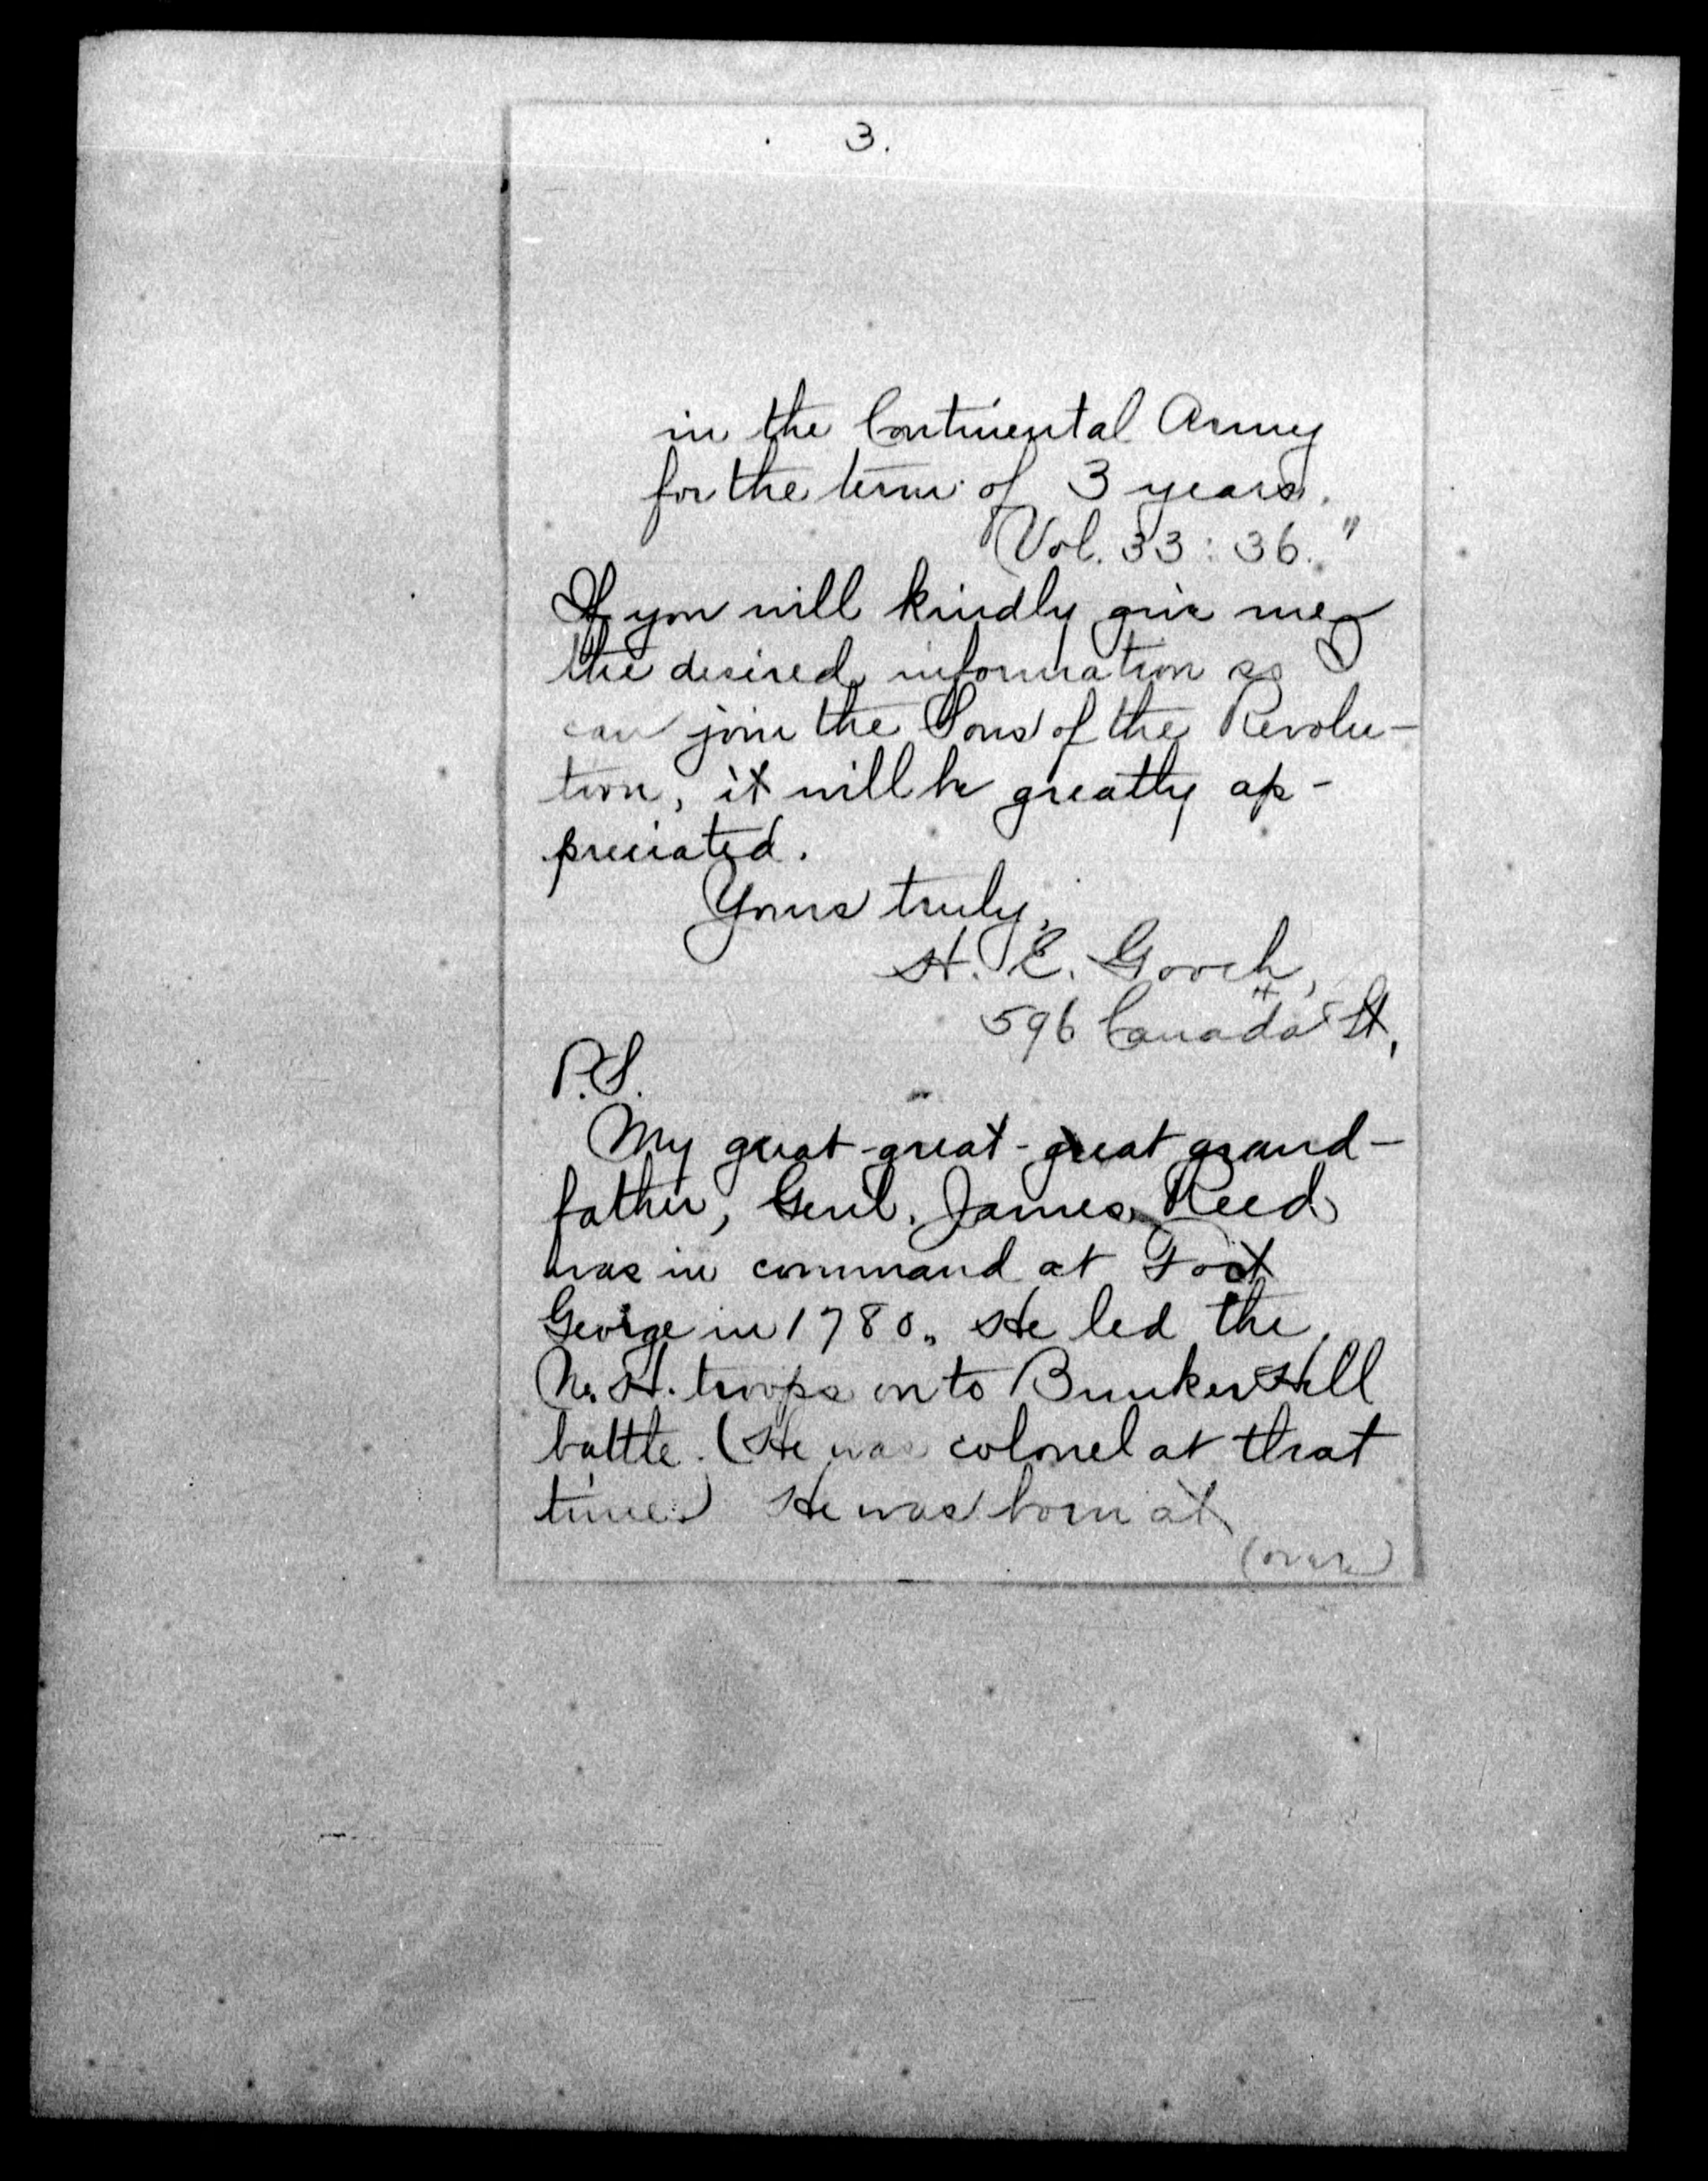in the continental army for the term of 3 years.
(Vol. 33:36"
If you will kindly give me the desired information so I can join the sons of the Revolution, it will be greatly appreciated.
Yours truly
St.E.Gooch
596 Canada St.

P.S.
My great-great-great grandfather, Genl James Reed was in command at Fort George in 1780. He led the N.H. troops into Bunker Hill battle (he was colonel at that time) He was born at
(over)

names: James Reed; H E Gooch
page: 18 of 19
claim: survivor's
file: S 41975, for Hinds Reed, New Hampshire